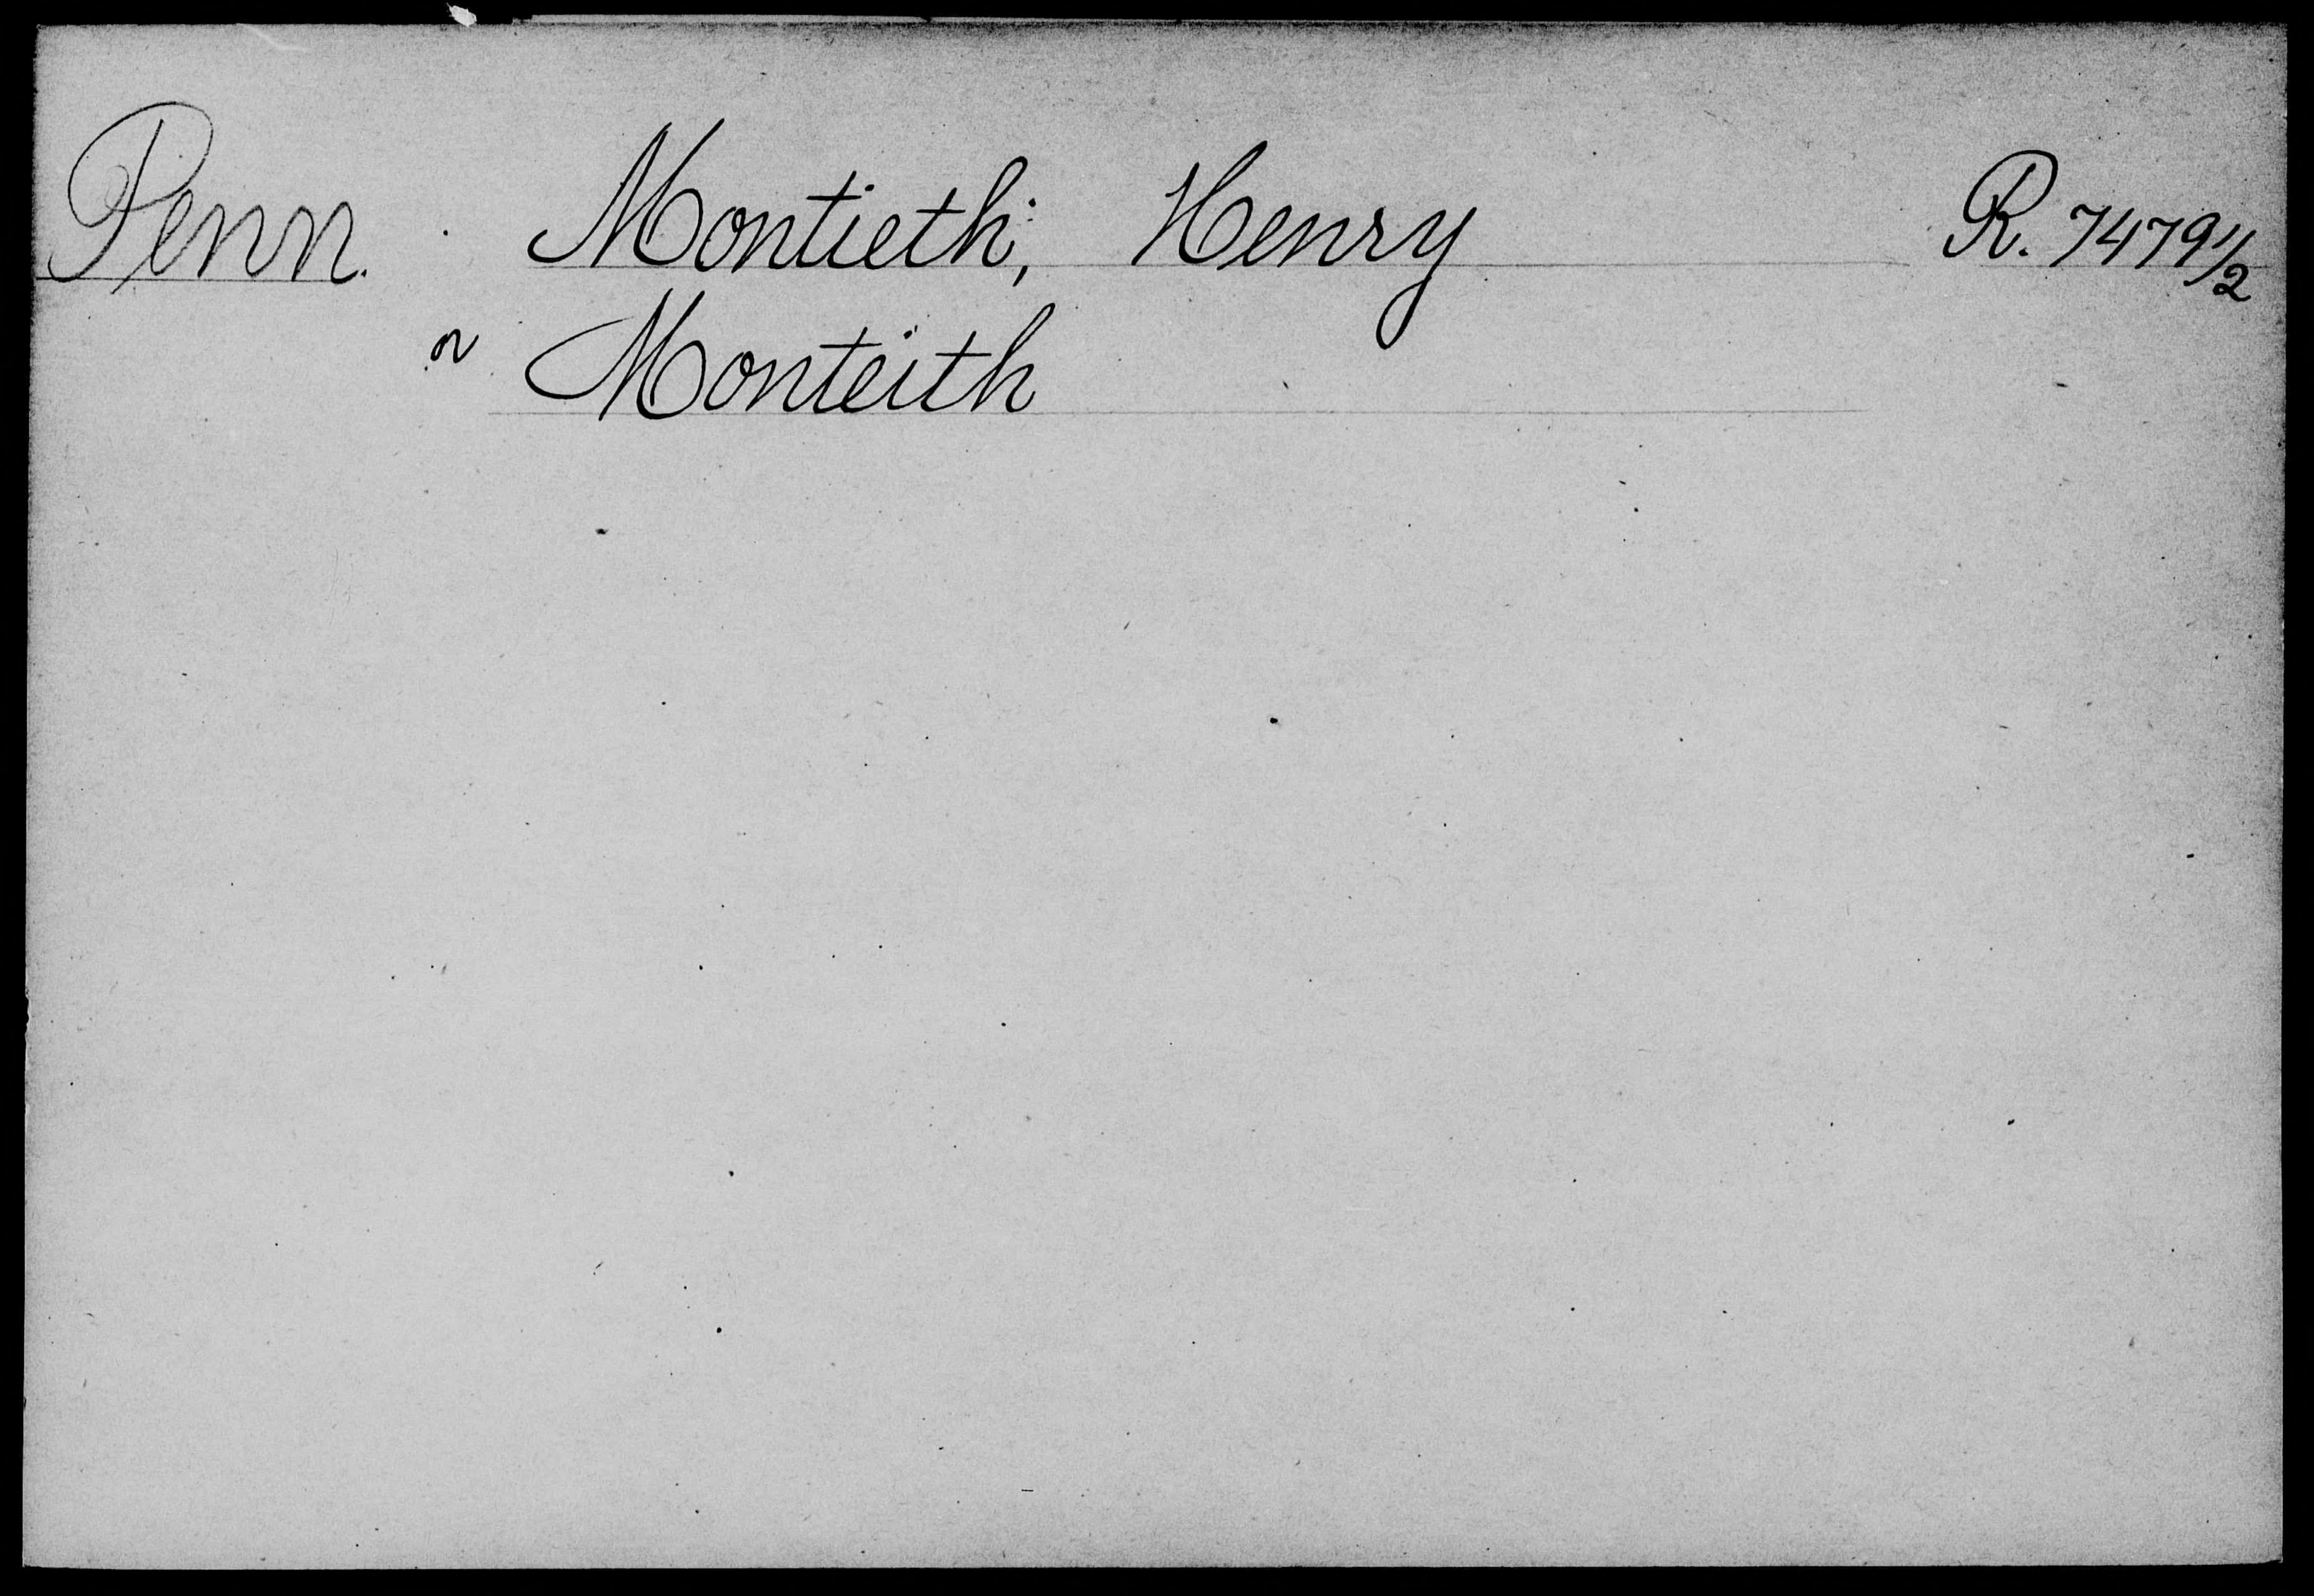Penn.    Montieth;  Henry       R.7479 1/2

         or Monteith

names: Henry Monteith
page: 1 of 1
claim: rejected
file: R. 7479 1/2, for Henry Montieth, Pennsylvania